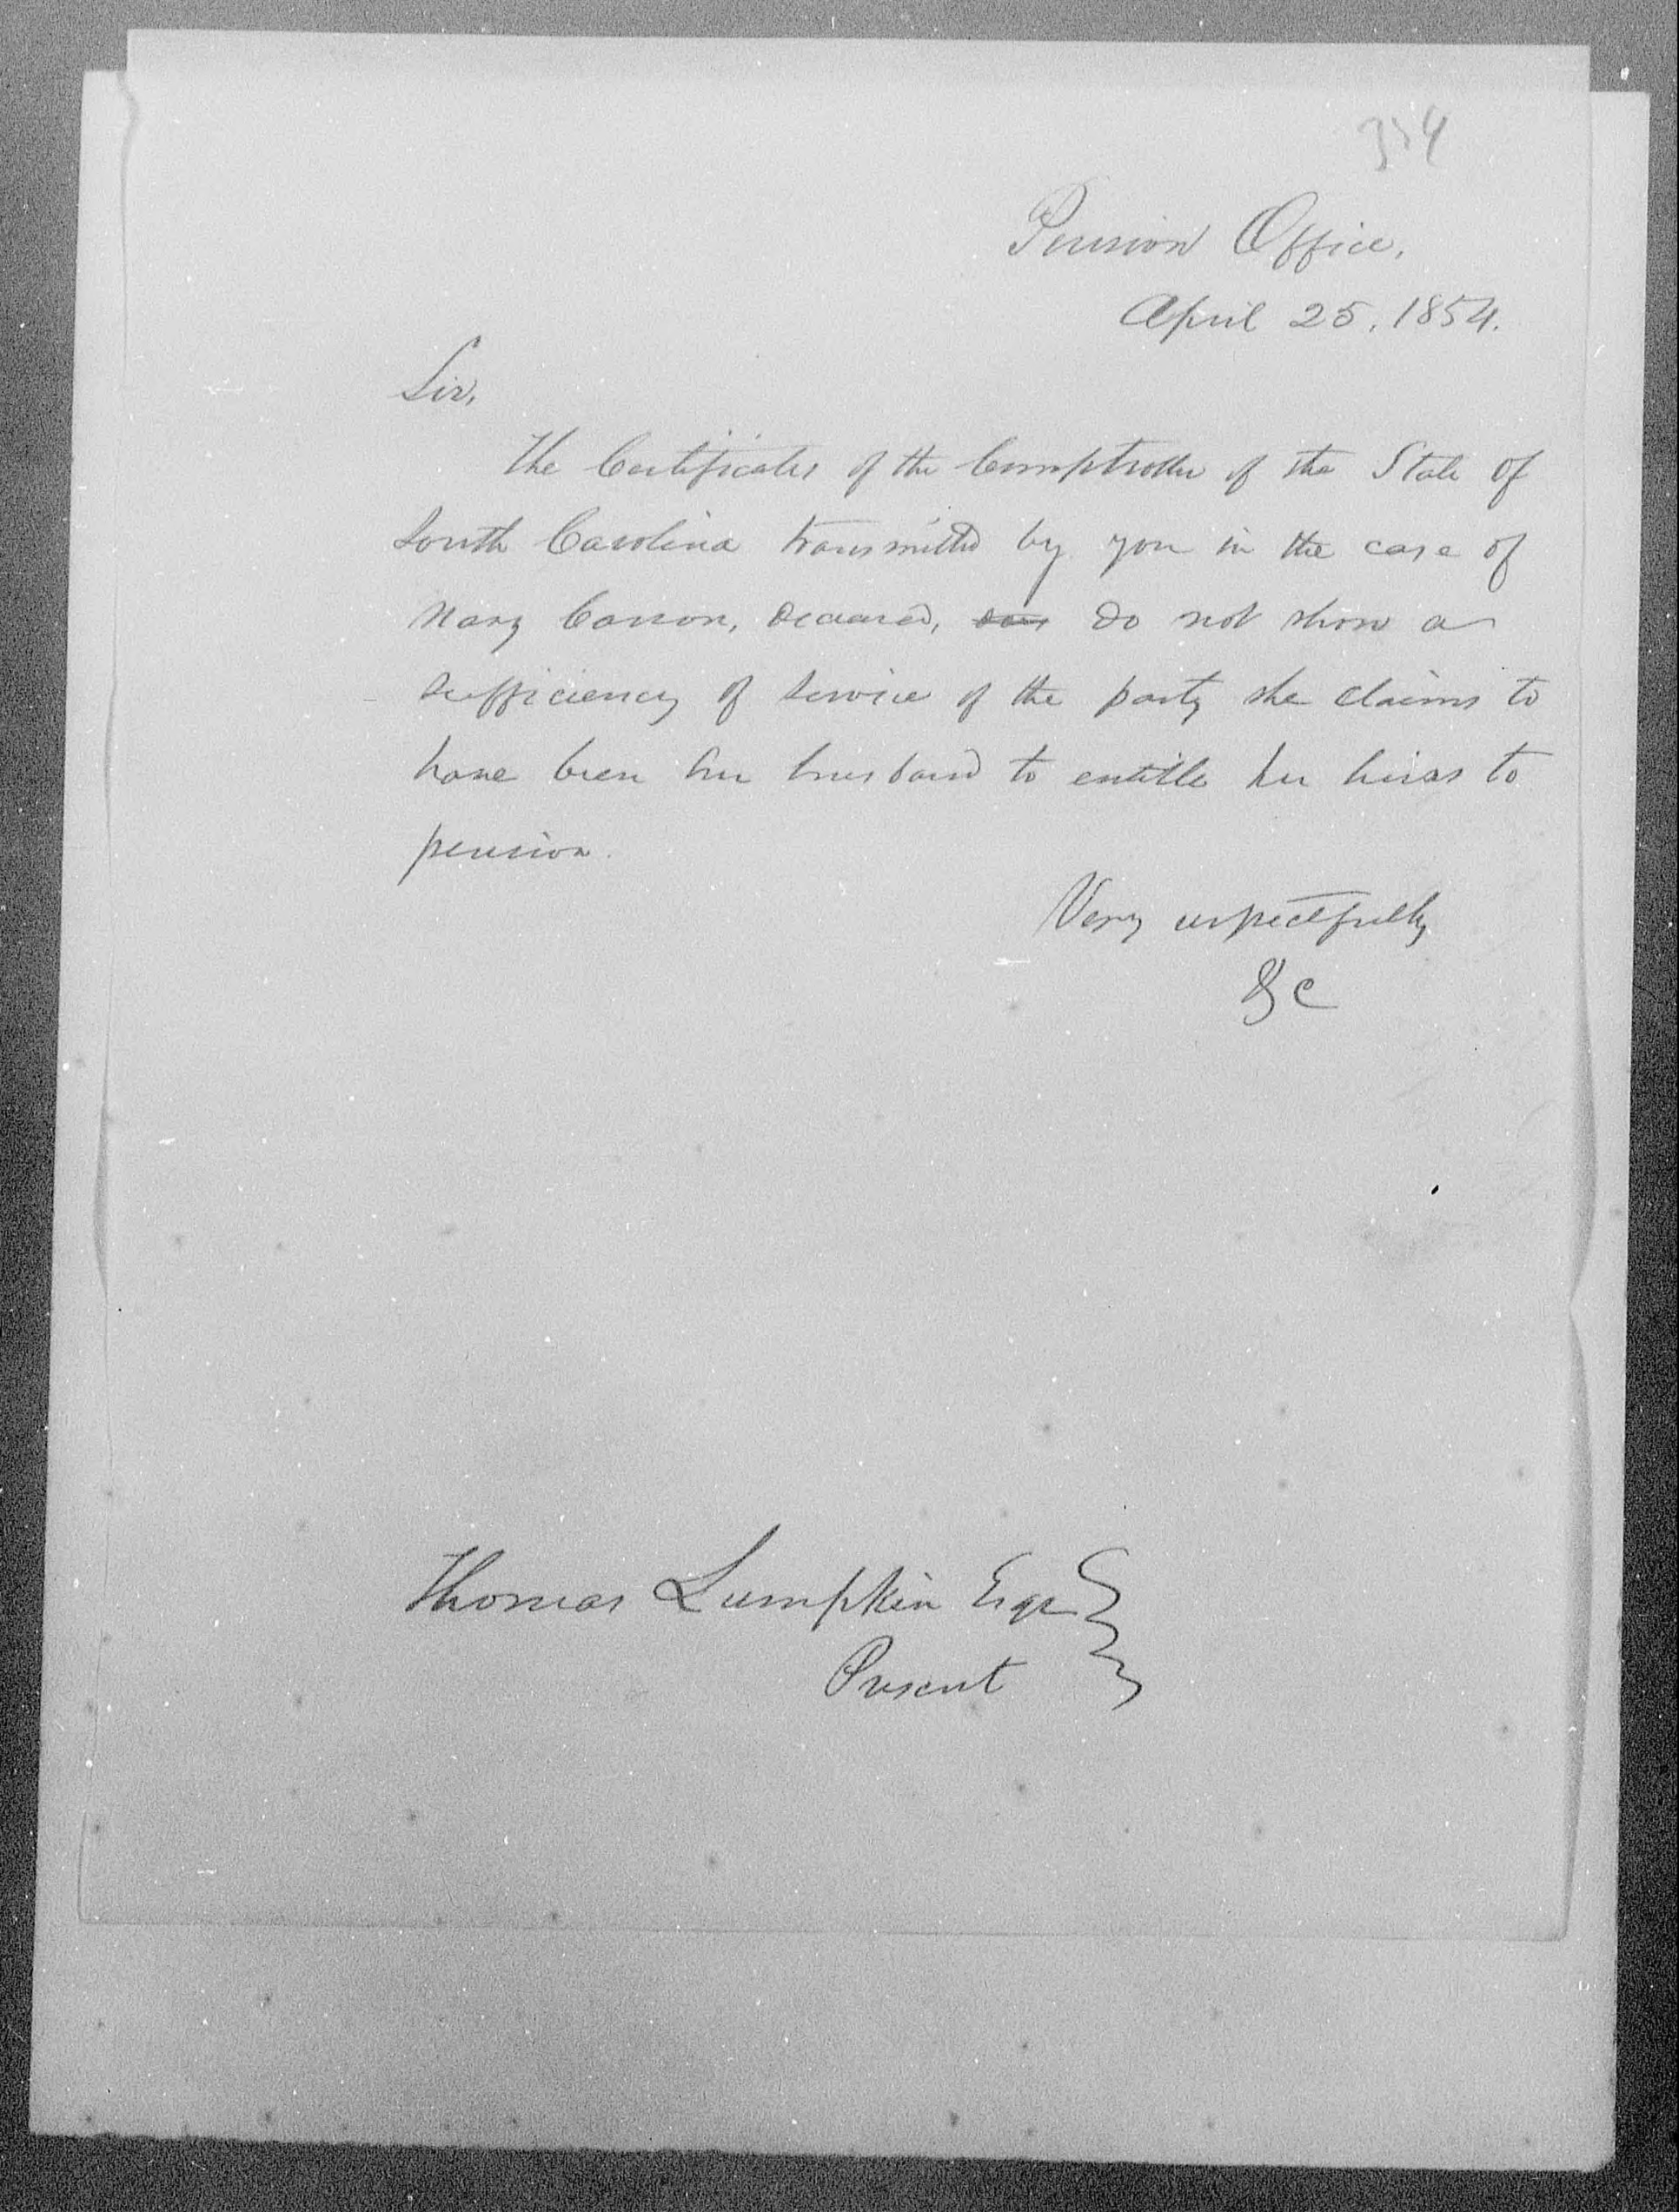354
Pension Office
April 25, 1854
Sir,
The Certificates of the Comptroller of the State of South Carolina transmitted by you in the case of Mary Carson, deceased, do not show a sufficiency of service of the party she claims to have been her husband to entitle her heirs to pension
Very respectfully
JC


Thomas Lumpkin Esq
Present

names: Thomas Lumpkin, Mary Carson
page: 34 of 34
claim: rejected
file: R. 1,738, Walter Carson, N.C. S.C.